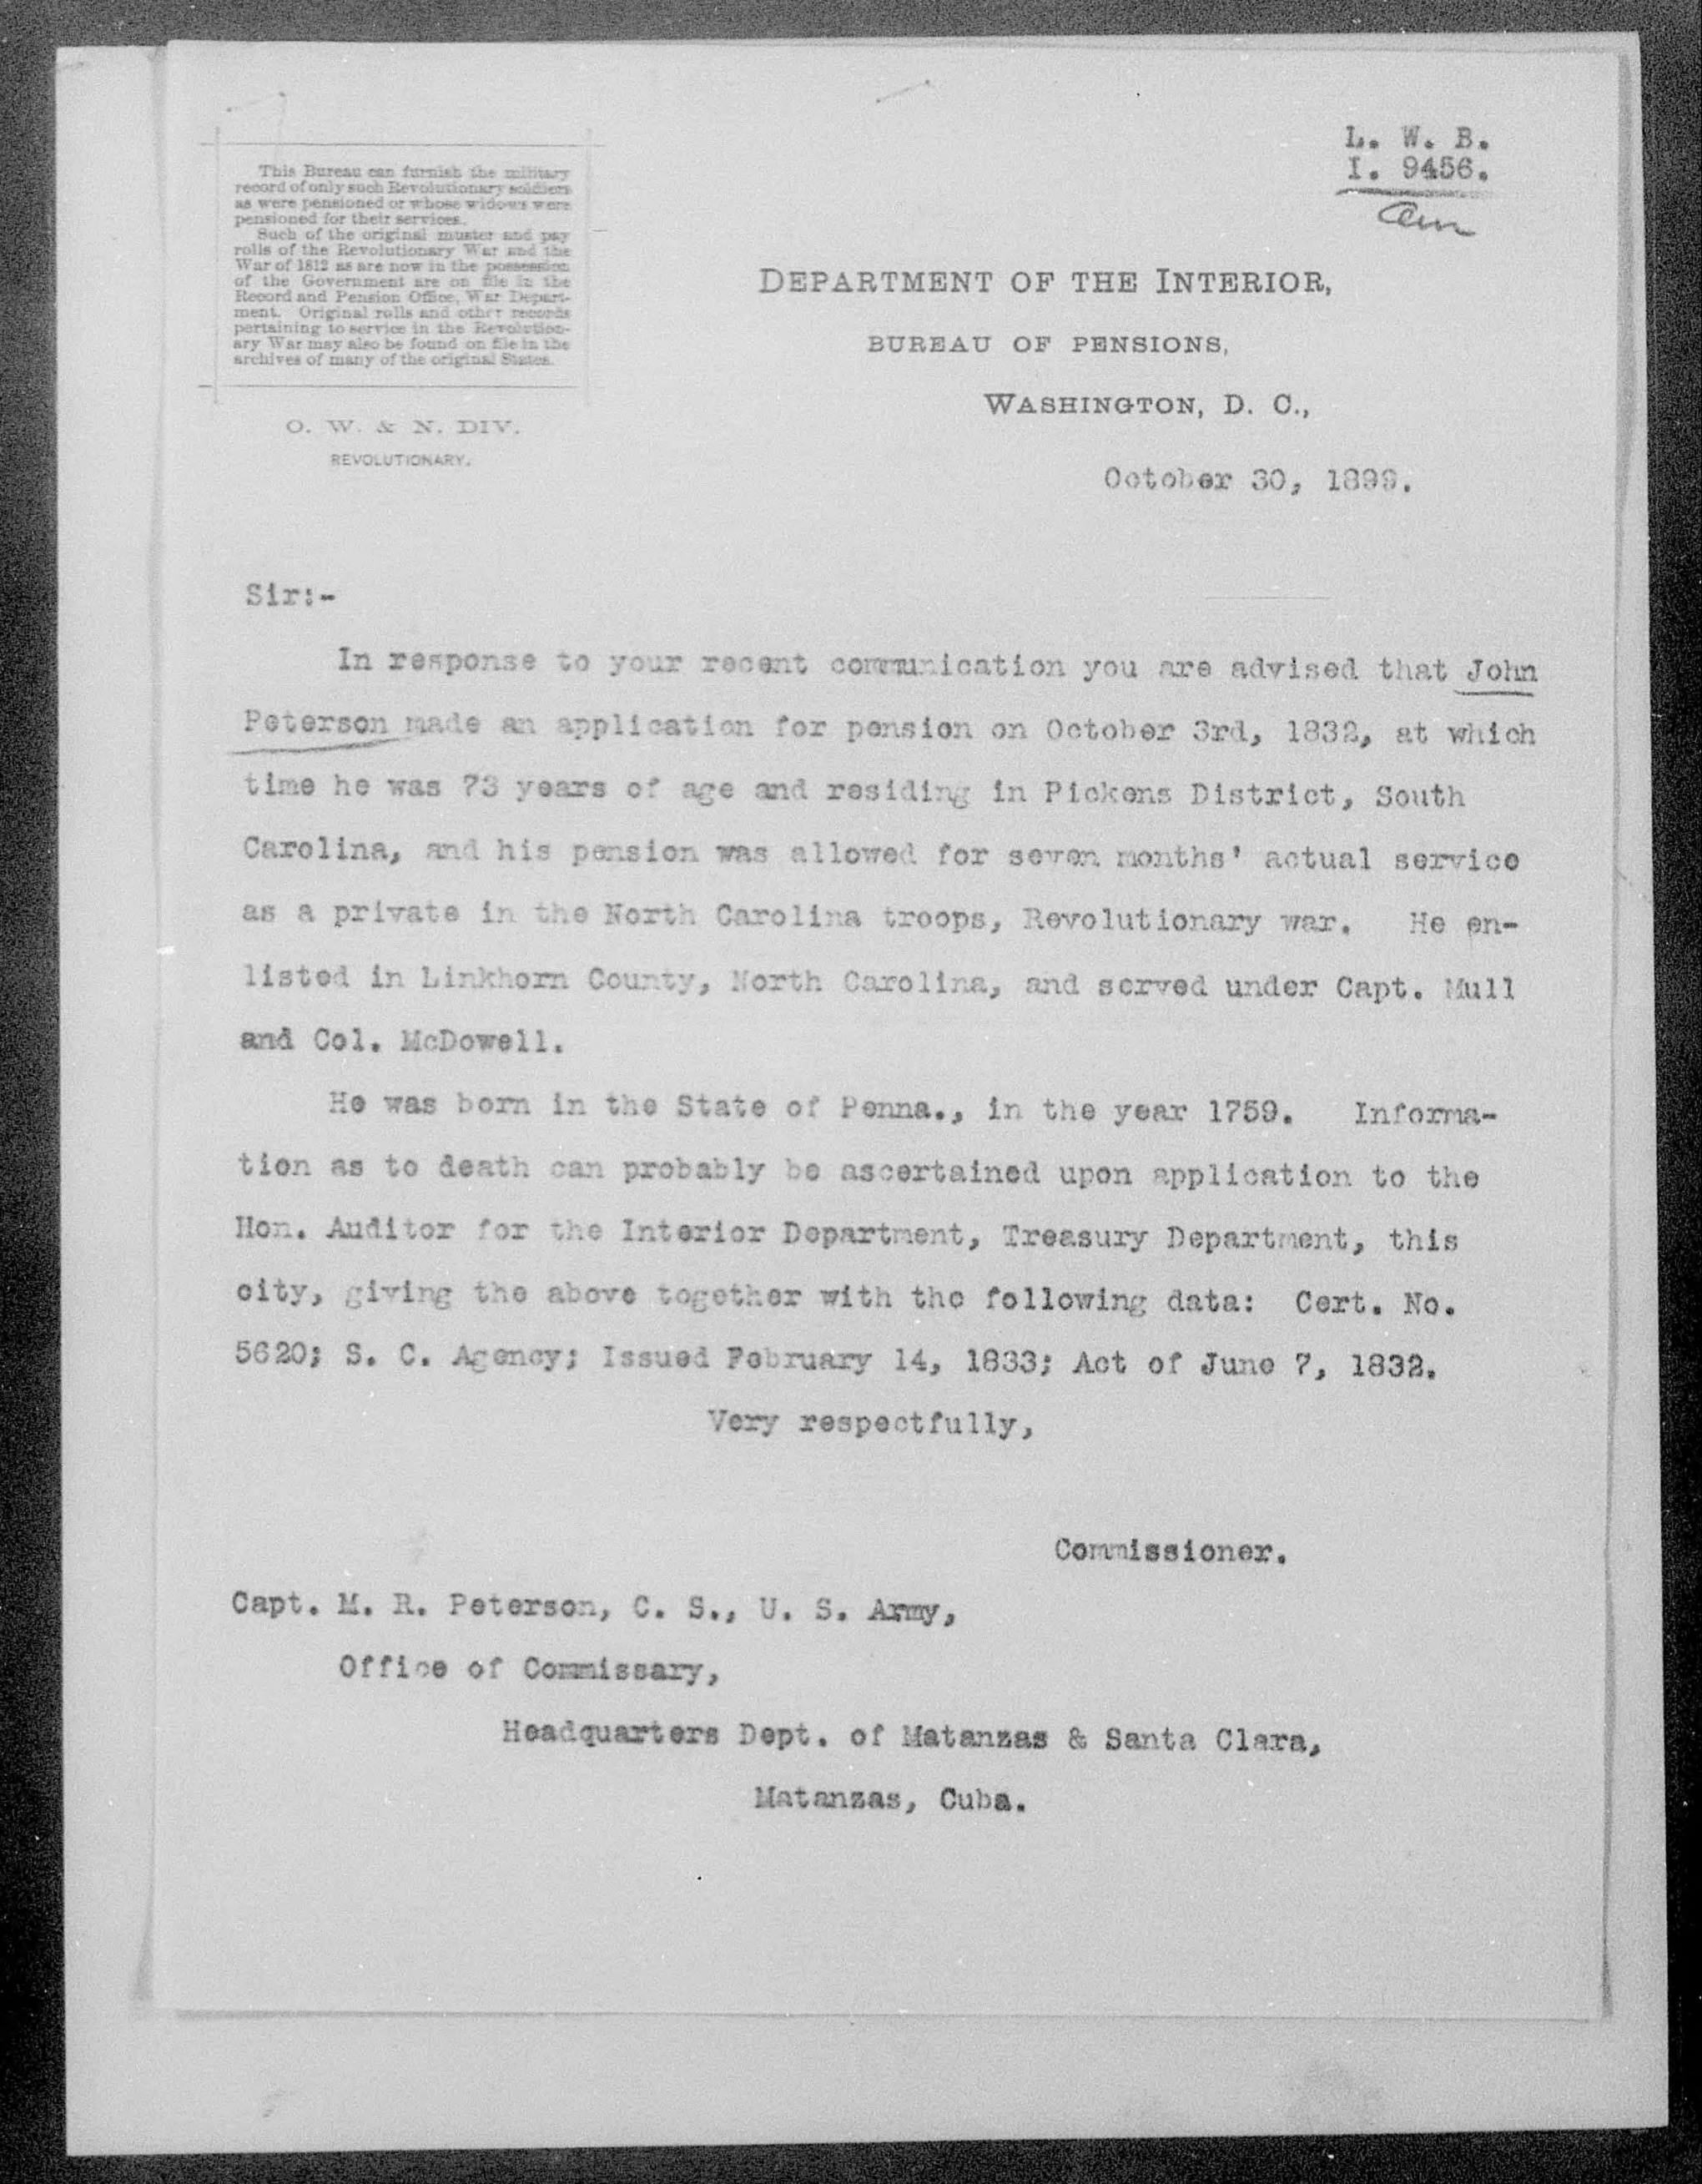L. W. B.
I. 9456
O. W. + N. DIV.
Revolutionary
DEPARTMENT OF THE INTERIOR
BUREAU OF PENSIONS
WASHINGTON, D.C.
October 30, 1899.
Sir:-
In response to your recent communication you are advised that John Peterson made an application for pension on October 3rd, 1832, at which time he was 73 years of age and residing in Pickens District, South Carolina, and his pension was allowed for seven months' actual service as a private in the North Carolina troops, Revolutionary war. He enlisted in Linkhorn County, North Carolina, and served under Capt. Mull and Col. McDowell.
He was born in the State of Penna., in the year 1759. Information as to death can probably be ascertained upon application to the Hon. Auditor for the Interior Department, Treasury Department, this city, giving the above together with the following data: Cert. No. 5620; S. C. Agency; Issued February 14, 1833; Act of June, 1832.
Very respectfully,
Commissioner.
Capt. M. R. Peterson, C. S., U. S. Army,
Office of Commissary,
Headquarters Dept. of Matanzas & Santa Clara,
Matanzas, Cuba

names: [BLANK] Mc Dowell; John Peterson; M R Peterson; [BLANK] Mull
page: 13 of 13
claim: survivor's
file: S. 9,456, for John Peterson, North Carolina